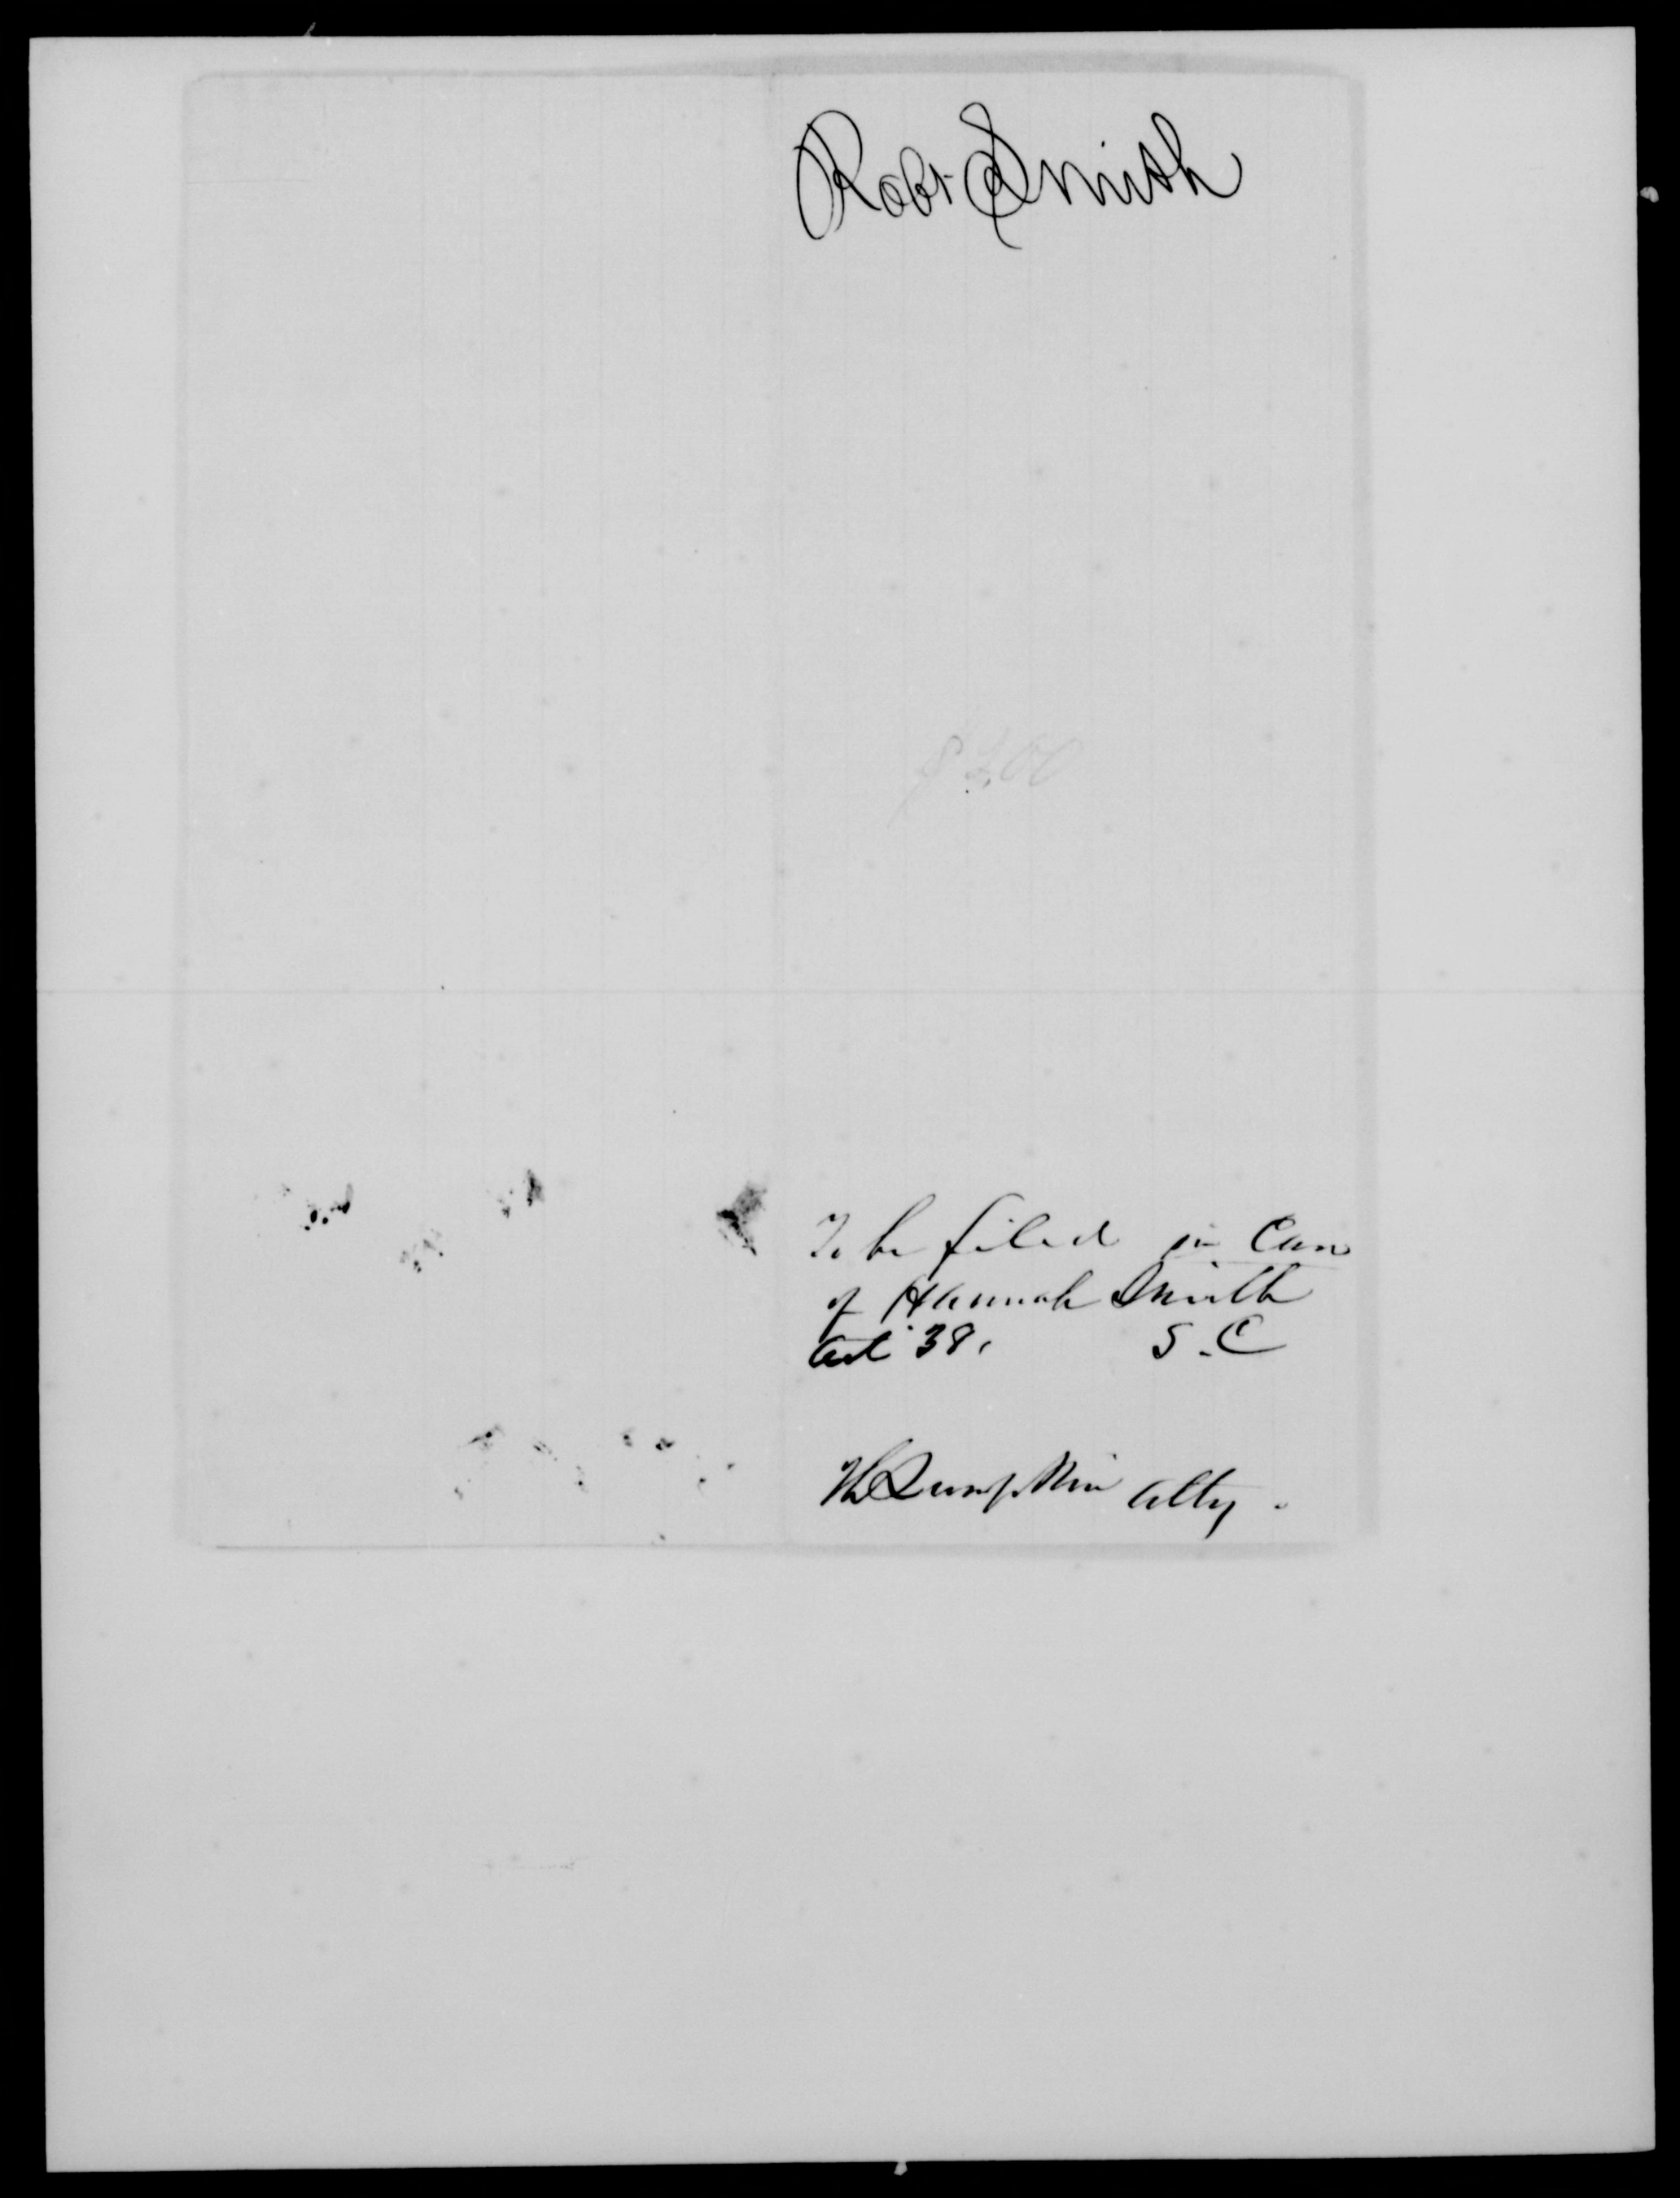Robt Smith

To be filed in case of Hannah Smith, SC, Act 38

Th Lumpkin, Atty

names: Hannah Smith; Robt Smith; Th Lumpkin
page: 21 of 28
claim: rejected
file: R. 9744, for Robert Smith, South Carolina